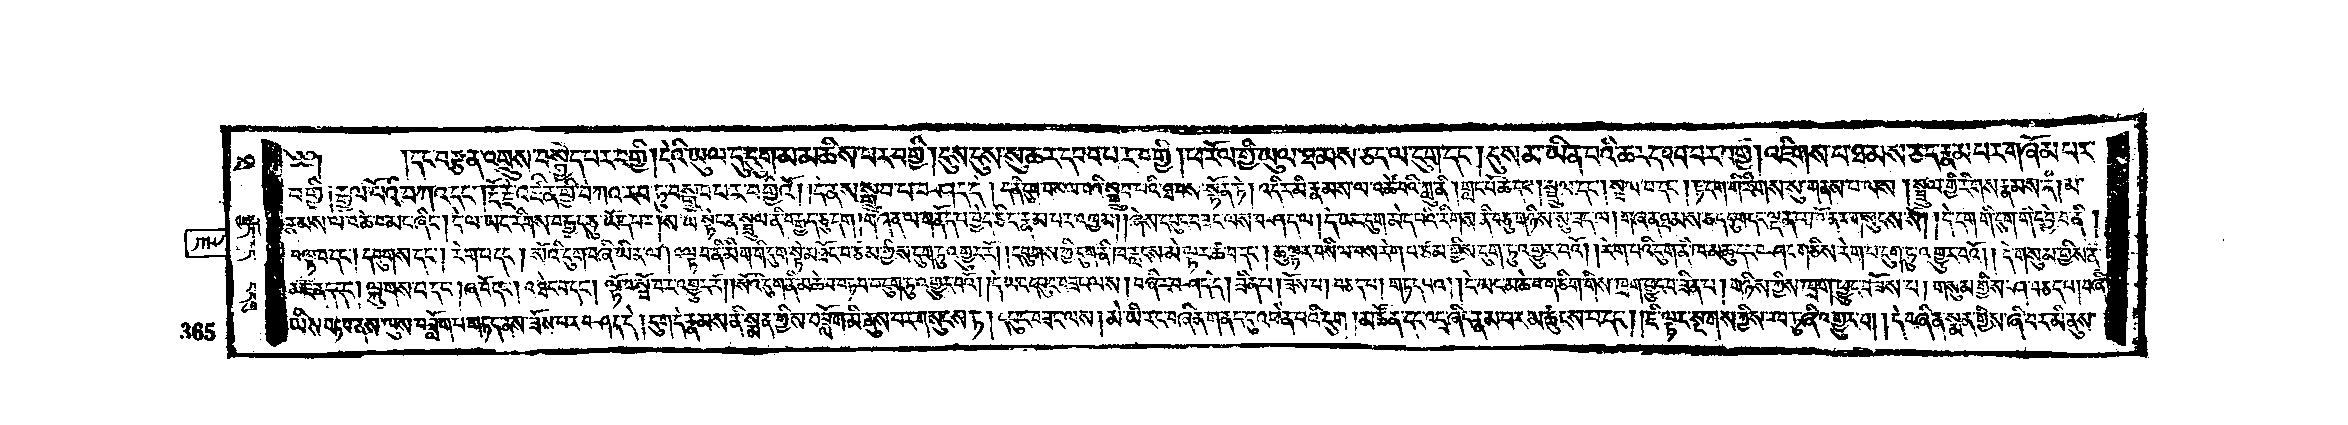༄༅། །དང་བརྩོན་འགྲུས་བསྐྱེད་པར་བགྱི། དེའི་ཡུལ་དུ་དུག་མ་མཆིས་པར་བགྱི། དུས་དུས་སུ་ཆར་དབབ་པར་བགྱི། ཕ་རོལ་གྱི་ཡུལ་ཐམས་ཅད་ལ་དུག་དང་། དུས་མ་ཡིན་པའི་ཆར་དབབ་པར་བགྱི། འཇིགས་པ་ཐམས་ཅད་རྣམ་པར་གཞོམ་པར་
བགྱི། རྒྱལ་པོའི་བཀའ་དང་། རྡོ་རྗེ་འཛིན་གྱི་བཀའ་རབ་ཏུ་བསྒྲུབ་པར་བགྱིའོ། །དེ་ནས་སྒྲུབ་པ་བཤད་དེ། ད་ནི་དུག་བསལ་བའི་སྒྲུབ་པའི་ཐབས་སྟོན་ཏེ། འདིར་མི་རྣམས་ལ་མཚེ་བའི་ཀླུ་ནི། གླང་པོ་ཆེ་དང་། སྦྲུལ་དང་། སྦལ་པ་དང་། རྟ་དག་གི་རིགས་སུ་གནས་པ་ལས། སྦྲུལ་གྱི་རིགས་རྣམས་ནི། མ་
རྣམས་ལ་འཆེ་བ་མང་ཞིང་། དེ་ལ་ཡང་རིགས་བརྒྱད་ཅུ་ཡོད་པར། ས་ཡི་སྟེང་ན་སྦྲུལ་ནི་བརྒྱད་ཅུ་དག །གཞན་ལ་གནོད་པ་བྱེད་ཅིང་རྣམ་པར་འཁྱམ། །ཞེས་དཔུང་བཟང་ལས་བཤད་ལ། དེ་ཡང་དུག་མེད་པའི་རིགས་ནི་བཅུ་གཉིས་སུ་ཟད་ལ། གཞན་ཐམས་ཅད་དུག་དང་ལྡན་པ་ཁོ་ནར་གསུངས་སོ། །དེ་དག་གི་དུག་གི་དབྱེ་བ་ནི།
བལྟ་བ་དང་། དབུགས་དང་། རེག་པ་དང་། སོའི་དུག་བཞི་ཡིན་ལ། བལྟ་བ་ནི་མིག་གི་དུག་སྟེ་མཐོང་བ་ཙམ་གྱིས་དུག་ཏུ་འགྱུར་རོ། །དབུགས་ཀྱི་དུག་ནི་ཁ་རླངས་མེ་ལྟར་ཚ་བ་དང་། ཆུ་ལྟར་བསིལ་བས་རེག་པ་ཙམ་གྱིས་དུག་ཏུ་འགྱུར་བའོ། །རེག་པའི་དུག་ནི་ཁ་མཆུ་དང་བཤད་གཅིས་རེག་པ་དུག་ཏུ་འགྱུར་བའོ། །དེ་གསུམ་གྱིས་ན་
མཛེ་ནད་དང་། ལྐུགས་པ་དང་། ཞ་བོ་དང་། འཐེང་བ་དང་། ལྟོ་བ་སྦོ་བར་འགྱུར་རོ། །སོའི་དུག་ནི་མཆེ་བ་བཏབ་པ་དུག་ཏུ་འགྱུར་བའོ། །དེ་ཡང་དཔུང་བཟང་ལས། བཞིར་བཤད་དེ། ཟིན་པ། ཟོས་པ། བཅད་པ། གཏད་པའི། །དེ་ཡང་མཆེ་བ་གཅིག་གིས་ཁྲག་ཕྱུང་བ་ཟིན་པ། གཉིས་ཀྱིས་ཁྲག་ཕྱུང་བ་ཟོས་པ། གསུམ་གྱིས་ཤ་བཅད་པ། བཞི་
ཡིས་བཏབ་ནས་ལུས་བཟློག་པ་གཏད་ནས་ཟོས་པར་བཤད་དེ། དུག་དེ་རྣམས་ནི་སྨན་གྱིས་བཟློག་མི་ནུས་པར་གསུངས་ཏེ། དཔུང་བཟང་ལས། མེ་ཡི་རང་བཞིན་གནད་དུ་འཕེན་པའི་དུག །མཚོན་དང་འདྲ་ཞིང་རྣམ་པར་མཚུངས་པ་དང་། །ཇི་ལྟར་སྔགས་ཀྱིས་རབ་ཏུ་ཞི་འགྱུར་བ། །དེ་བཞིན་སྨན་གྱིས་ཞི་བར་མི་ནུས་